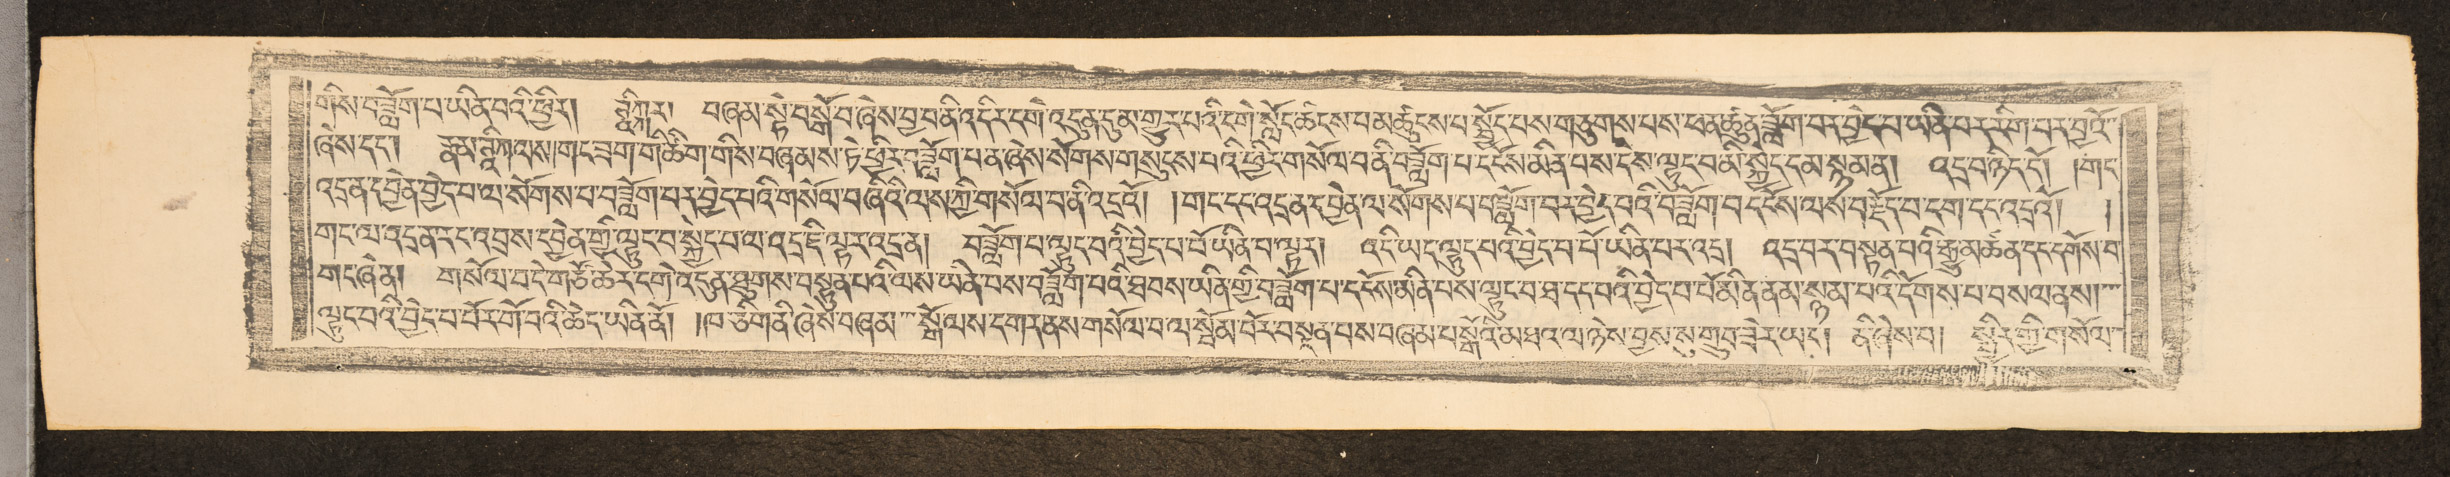གིས་བཟློག་པ་ཡིན་པའི་ཕྱིན། ཊཱིཀྐར། བཞམ་སྟེ་བསྒོ་བ་ཞེས་བྱ་བ་ནི་འདིར་དགེ་འདུན་དུ་མ་གྱུར་པའི་དགེ་སློང་ཚངས་པ་མཚུངས་པ་སྤྱོད་པས་གཅུགས་པས་ཕན་ཚུན་ཟློག་པར་བྱེད་པ་ཡིན་པར་རིག་པར་བྱའོ་
ཞེས་དང་། རྣམ་ཊཱིཀ་ལས། གང་ཟག་གི་ཚིག་གིས་བཞམས་ཏེ་ཕྱིར་བཟློག་པ་ན་ཞེས་སོགས་གསུངས་པའི་ཕྱིར་གསོལ་བ་ནི་བཟློག་པ་དངོས་མིན་པས་དེས་ལྟུང་བ་མི་སྐྱེད་དམ་སྙམ་ན། འདྲ་བ་ཉིད་དོ། །གང་
འདྲ་ན་དབྱེན་བྱེད་པ་ལ་སོགས་པ་བཟློག་པར་བྱེད་པའི་གསོལ་བཞིའི་ལས་ཀྱི་གསོལ་བ་ནི་འདྲའོ། །གང་དང་འདྲ་ན་དབྱེན་ལ་སོགས་བ་བཟློག་པར་བྱེད་པའི་བཟློག་པ་དངོས་ལས་བརྗོད་པ་དག་དང་འདྲའོ། །
གང་ལ་འདྲ་ན་རང་འབྲས་དབྱེན་གྱི་ལྟུང་བ་སྐྱེད་པ་ལ་འདྲ་ཇི་ལྟར་འདྲ་ན། བཟློག་པ་ལྟུང་བའི་བྱེད་པ་པོ་ཡིན་པ་ལྟར། འདི་ཡང་ལྟུང་བའི་བྱེད་པ་པོ་ཡིན་པར་འདྲ། འདྲ་བར་བསྟན་པའི་རྒྱུ་མཚན་དང་དགོས་པ་
གང་ཞེ་ན། གསོལ་བདེ་གཙོ་ཆེར་དགེ་འདུན་ཐུགས་བསྟུན་པའི་ལས་ཡིན་པས་བཟློག་པའི་ཐབས་ཡིན་གྱི་བཟློག་པ་དངོས་མིན་པས་ལྟུང་བ་ཐ་དད་པའི་བྱེད་པ་པོ་མིན་ནམ་སྙམ་པའི་དོགས་པ་བསལ་ནས།
ལྟུང་བའི་བྱེད་པ་བོར་གོ་བའི་ཆེད་ཡིན་ནོ། །ཁ་ཅིག་ནི་ཞེས་བཞམ་སྒོ་ལས་དགར་ནས་གསོལ་བ་ལ་སྦོམ་བོར་བསྟན་པས་བཞམ་བསྒོའི་མཐའ་ལ་ཉེས་བྱས་སུ་གྲུབ་ཟེར་ཡང་། ནི་ཞེས་པ། སྤྱིར་གྱི་གསོལ་